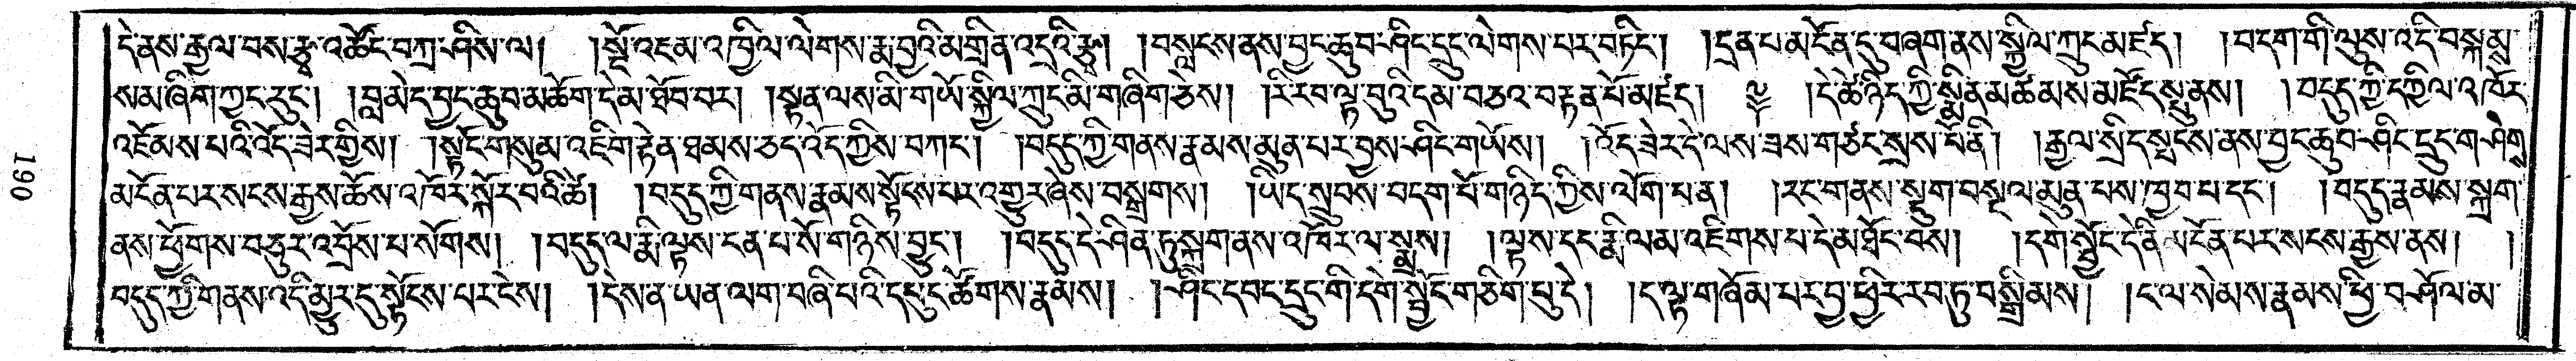དེ་ནས་རྒྱལ་བས་རྩྭ་འཚོང་བཀྲ་ཤིས་ལ། །སྔོ་འཇམ་འཁྱིལ་ལེགས་རྨ་བྱའི་མགྲིན་འདྲའི་རྩྭ། །བསླངས་ནས་བྱང་ཆུབ་ཤིང་དྲུང་ལེགས་པར་བཏིང་། །དྲན་པ་མངོན་དུ་བཞག་ནས་སྐྱིལ་ཀྲུང་མཛད། །བདག་གི་ལུས་འདི་བསྐམས་
སམ་ཞིག་ཀྱང་རུང་། །བླ་མེད་བྱང་ཆུབ་མཆོག་དེ་མ་ཐོབ་བར། །སྟན་ལས་མི་གཡོ་སྐྱིལ་ཀྲུང་མི་གཞིག་ཅེས། །རི་རབ་ལྟ་བུའི་དམ་བཅའ་བརྟན་པོ་མཛད། ༈ །དེ་ཚེ་ཉིད་ཀྱི་སྨིན་མཚམས་མཛོད་སྤུ་ནས། །བདུད་ཀྱི་དཀྱིལ་འཁོར་
འཇོམས་པའི་འོད་ཟེར་གྱིས། །སྟོང་གསུམ་འཇིག་རྟེན་ཐམས་ཅད་འོད་ཀྱིས་བཀང་། །བདུད་ཀྱི་གནས་རྣམས་མུན་པར་བྱས་ཤིང་གཡོས། །འོད་ཟེར་དེ་ལས་ཟས་གཙང་སྲས་པོ་ནི། །རྒྱལ་སྲིད་སྤངས་ནས་བྱང་ཆུབ་ཤིང་དྲུང་གཤེགས་
མངོན་པར་སངས་རྒྱས་ཆོས་འཁོར་སྐོར་བའི་ཚེ། །བདུད་ཀྱི་གནས་རྣམས་སྟོངས་པར་འགྱུར་ཞེས་བསྒྲགས། །ཡིད་སྲུབས་བདག་པོ་གཉིད་ཀྱིས་ལོག་པ་ན། །རང་གནས་སྡུག་བསྔལ་མུན་པས་ཁྱབ་པ་དང་། །བདུད་རྣམས་སྐྲག་
ནས་ཕྱོགས་བཅུར་འབྲོས་པ་སོགས། །བདུད་ལ་རྨི་ལྟས་ངན་པ་སོ་གཉིས་བྱུང་། །བདུད་དེ་ཤིན་ཏུ་སྐྲག་ནས་འཁོར་ལ་སྨྲས། །ལྟས་དང་རྨི་ལམ་འཇིགས་པ་དེ་མཐོང་བས། །དགེ་སྦྱོང་དེ་ནི་མངོན་པར་སངས་རྒྱས་ནས། །
བདུད་ཀྱི་གནས་འདི་མྱུར་དུ་སྟོངས་པར་ངེས། །དེས་ན་ཡན་ལག་བཞི་པའི་དཔུང་ཚོགས་རྣམས། །ཤིང་དབང་དྲུང་གི་དགེ་སྦྱོང་གཅིག་པུ་དེ། །ད་ལྟ་གཞོམ་པར་བྱ་ཕྱིར་རབ་ཏུ་བསྒྲིམས། །ང་ལ་སེམས་རྣམས་ཕྱི་བཤོལ་མ་